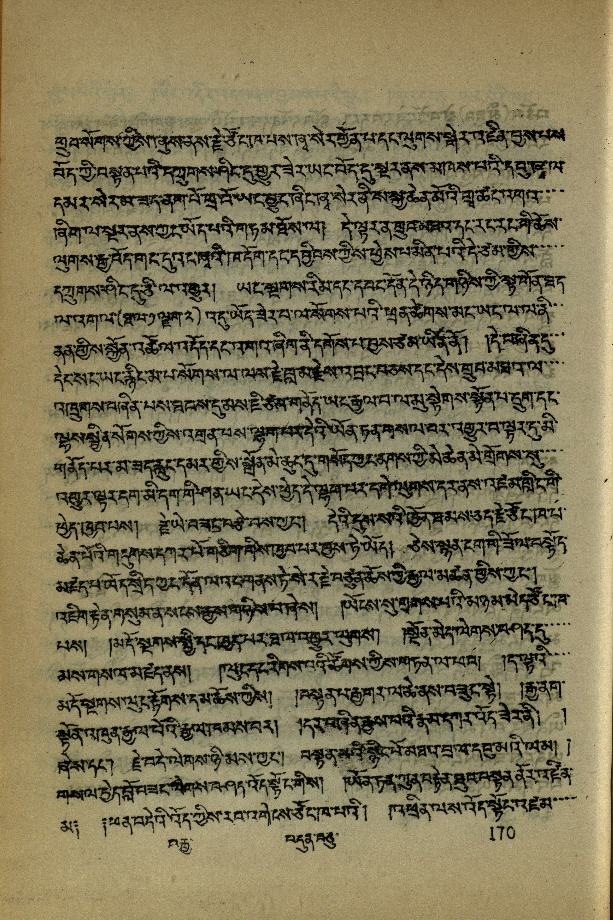གྲུབ་སོགས་ཀྱིས་ཞུས་ནས་རྗེ་ཙོང་ཁ་པས་ཞྭ་སེར་གྱོན་པ་དང་ལུགས་སྒེར་འཛིན་བྱས་པས་
བོད་ཀྱི་བསྟན་པའི་དཀྲུགས་ཤིང་དུ་གྱུར་ཟེར་ཡང་བོད་དུ་སྔར་ནས་མཁས་པའི་དབུ་ཞྭ་ལ་
དམར་སེར་མ་ཟད་ནག་པོ་ཕྲ་བོ་ཡང་བྱུང་ཞིང་ཞྭ་སེར་ནི་ས་སྐྱ་ཆེན་མོའི་གྲྭ་ཚང་འགའ་
ཞིག་ལ་སྔར་ནས་ཀྱང་ཡོད་པའི་གཏམ་ཐོས་ལ། དེ་ལྟར་ན་གྲུབ་མཐའ་དང་རང་རང་གི་ཆོས་
ལུགས་རྒྱ་བོད་གང་དུའང་ཞྭའི་ཁ་དོག་དང་དབྱིབས་ཀྱིས་ཕྱེས་པ་མིན་པའི་དེ་ཙམ་གྱིས་
དཀྲུགས་ཤིང་དུ་ཅི་ལ་འགྱུར། ཡང་སྔགས་རིམ་དང་དབང་དོན་དེ་ཉིད་གཉིས་ཀྱི་སྟ་གོན་ཐད་
ལ་འགལ་ཐལ ༡་ལྗག ༢་འདུ་ཡོད་ཟེར་བ་ལ་སོགས་པའི་ཕྲན་ཚེགས་མང་ཡང་ལ་ལ་ནི་
ནན་གྱིས་སྐྱོན་འཚོལ་འདོད་དང་འགའ་ཞིག་ནི་དགོས་པ་བྱས་ཙམ་ཡིན་ནོ། །དེ་བཞིན་དུ་
དེང་སང་ཡང་རྙིང་མ་པ་སོགས་ལ་ལས་རྗེ་བླ་མ་རྗེས་འབྲང་བཅས་དང་དེས་གྲུབ་མཐའ་ལ་
འཁྲུགས་བཞིན་པས་ཐ་བས་དུ་མས་ཇི་ཙམ་གནོད་ཡང་རྒྱལ་བ་ལ་མུ་སྟེགས་སྟོན་པ་དྲུག་དང་
ལྷས་སྦྱིན་སོགས་ཀྱིས་འགྲན་པས་ལྷག་པར་དེའི་ཡོན་ཏན་གསལ་བར་འགྱུར་བ་ལྟར་དུ་མི་
གནོད་པར་མ་ཟད་རླུང་དམར་གྱིས་སྒྲོན་མེ་ཆུང་དུ་གསོད་ཀྱང་ནགས་ཀྱི་མེ་ཆེན་མེ་གྲོགས་སུ་
འབྱུར་ལྟར་དག་མི་དག་གི་ཤན་ཡང་དེས་ཕྱེད་དེ་ལྷག་པར་དགེ་ལུགས་དར་ནས་འཛམ་གླིང་གི་
ཕྱེད་ཁྱབ་པས། རྗེ་ཡི་བཟུང་བརྩེ་བས་ཀྱང་། དེའི་དུས་སའི་ཁྱོན་ཐམས་ཅད་རྗེ་ཙོང་ཁ་པ་
ཆེན་པོའི་གདུགས་དཀར་པོ་གཅིག་གིས་ཁྱབ་པར་བྱས་ཏེ་ཡོད། ཅེས་སྙན་ངག་གི་ཟོལ་བསྟོད་
མཛད་པ་ཡོད་སྲིད་ཀྱང་དོན་ལའང་གནས་ཏེ་སེ་ར་རྗེ་བཙུན་ཆོས་ཀྱི་རྒྱལ་མཚན་གྱིས་ཀྱང་།
འཇིག་རྟེན་གསུམ་ན་སངས་རྒྱས་གཉིས་བ་ཞེས། །ཡོངས་སུ་གྲགས་པའི་མཉམ་མེད་ཙོང་ཁ་
པས། །མདོ་སྔགས་སྤྱི་དང་ཁྱད་པར་ཐལ་འགྱུར་ལུགས། །སྔོན་མེད་ལེགས་བཤད་དུ་
མས་གསལ་མཛད་ནས། །ལུང་དང་རིགས་བའི་ཚོགས་ཀྱིས་གཏན་ལ་ཕབ། །ད་ལྟའི་
མདོ་སྔགས་ལུང་རྟོགས་དམ་ཆོས་ཀྱིས། །བསྟན་པ་རྒྱ་གར་ལ་ཆེ་ནས་བཟུང་སྟེ། །རྒྱ་ནག་
སྟོན་འཁུན་རྒྱལ་པོའི་རྒྱལ་ཁམས་བར། །དར་བཞིན་རྒྱས་བའི་རྣམ་དཀར་འོད་ཟེར་ནི། །
ཞེས་དང་། རྗེ་བདེ་ལེགས་ཉི་མས་ཀྱང་། བསྟན་པའི་སྙིང་པོ་མཐའ་བྲལ་དབུ་མའི་ལམ། །
གསལ་བྱེད་བློ་བཟང་ལེགས་བཤད་འོད་སྟོང་གིས། །ཡོན་ཏན་ཀུན་བརྟེན་ཐུབ་བསྟན་ནོར་འཛིན་
མ༑ ༑ཕན་བདེའི་འོད་ཀྱིས་རབ་འགེངས་ཙོང་ཁ་པའི། །འཕྲིན་ལས་འོད་སྟོང་འཛམ་